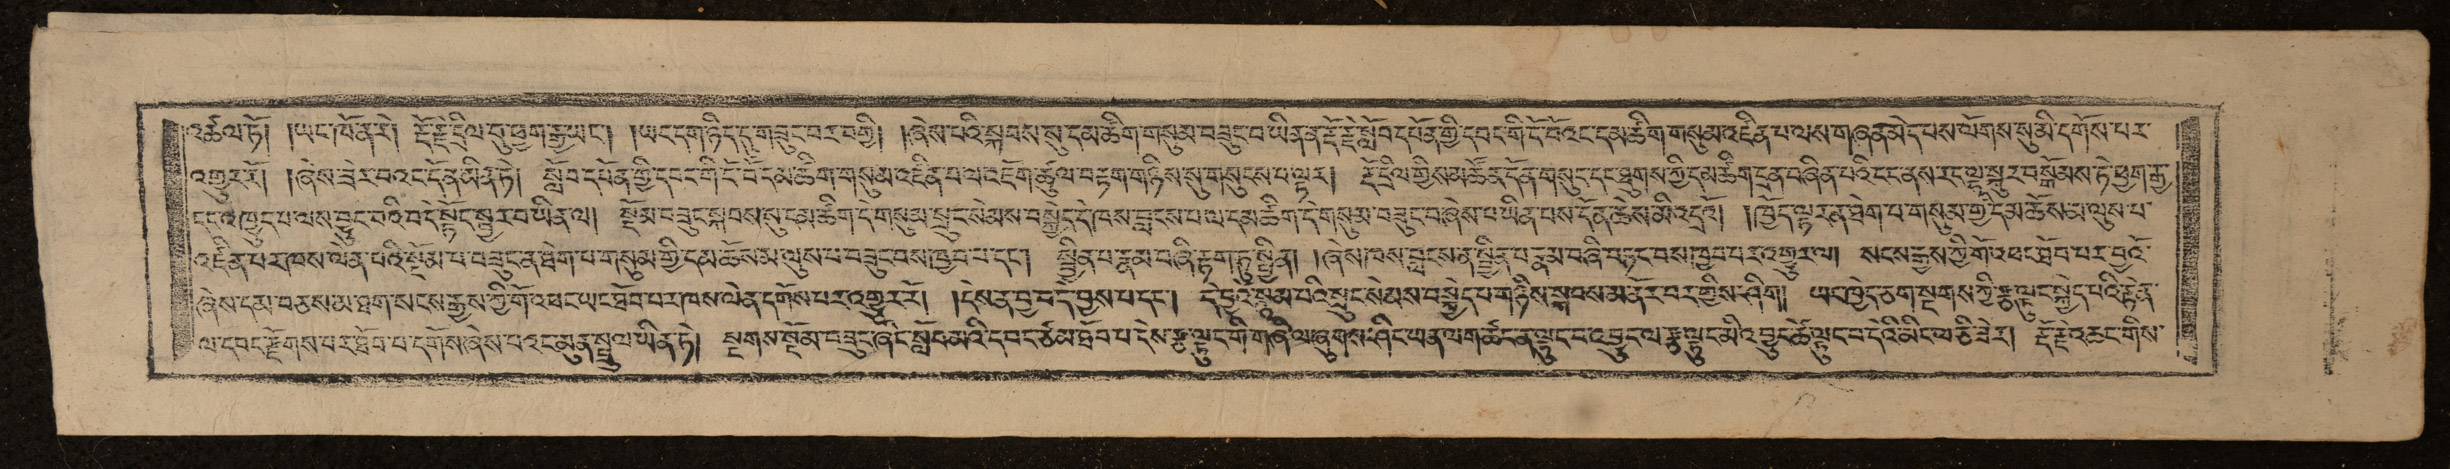འཚལ་ཏོ། །ཡང་ཁོ་ན་རེ། རྡོ་རྗེ་དྲིལ་བུ་ཕྱག་རྒྱ་ཡང་། །ཡང་དག་ཉིད་དུ་གཟུང་བར་བགྱི། །ཞེས་པའི་སྐབས་སུ་དམ་ཚིག་གསུམ་བཟུང་བ་ཡིན་ན་རྡོ་རྗེ་སློབ་དཔོན་གྱི་དབང་གི་ངོ་བོའང་དམ་ཚིག་གསུམ་འཛིན་པ་ལས་གཞན་མེད་པས་ལོགས་སུ་མི་དགོས་པར་
འགྱུར་རོ། །ཞེས་ཟེར་བའང་དོན་ཡིན་ཏེ། སློབ་དཔོན་གྱི་དབང་གི་ངོ་བོ་དམ་ཚིག་གསུམ་འཛིན་པ་ལ་འཇོག་ཚུལ་བརྟག་གཉིས་སུ་གསུངས་བ་ལྟར། རྡོ་དྲིལ་གྱིས་མཚོན་དོན་གསུང་དང་ཐུགས་ཀྱི་དམ་ཚིག་དྲན་བཞིན་བའི་ངང་ནས་རང་ལྷ་སྐུར་བསྒོམས་ཏེ་ཕྱག་རྒྱ་
དང་འཁྱུད་པ་ལས་བྱུང་བའི་བདེ་སྟོང་སྦྱར་བ་ཡིན་ལ། སྡོམ་བཟུང་སྐབས་སུ་དམ་ཚིག་དེ་གསུམ་སྲུང་སེམས་བསྐྱེད་དེ་ཁས་བླངས་བ་ལ་དམ་ཚིག་དེ་གསུམ་བཟུང་བ་ཞེས་པ་ཡིན་པས་དོན་ཆེས་མི་འདྲའོ། །ཁྱོད་ལྟར་ན་ཐེག་པ་གསུམ་གྱི་དམ་ཆོས་མ་ལུས་པ་
འཛིན་པར་ཁས་ལེན་པའི་སྡོམ་པ་བཟུང་ན་ཐེག་པ་གསུམ་གྱི་དམ་ཆོས་མ་ལུས་པ་བཟུང་བས་ཁྱབ་པ་དང་། སྦྱིན་པ་རྣམ་བཞི་རྟག་ཏུ་སྤྱིན། །ཞེས་ཁས་བླངས་ན་སྦྱིན་པ་རྣམ་བཞི་བཏང་བས་ཁྱབ་པར་འགྱུར་ལ། སངས་རྒྱས་ཀྱི་གོ་འཕང་ཐོབ་བར་བྱའོ་
ཞེས་དམ་བཅས་མ་ཐག་སངས་རྒྱས་ཀྱི་གོ་འཕང་ཡང་ཐོབ་པར་ཁས་ལེན་དགོས་པར་འགྱུར་རོ། །དེས་ན་བྱ་བ་དེ་བྱས་པ་དང་། དེ་བྱའོ་སྙམ་པའི་སྲུང་སེམས་བསྐྱེད་པ་གཉིས་སྐབས་མནོར་བར་གྱིས་ཤིག། ཡང་ཁྱེད་ཅག་སྔགས་ཀྱི་རྩ་ལྟུང་བསྐྱེད་པའི་རྟེན་
ལ་དབང་རྫོགས་པར་ཐོབ་པ་དགོས་ཞེས་པའང་མུན་སྦྲུལ་ཡིན་ཏེ། སྔགས་སྡོམ་བཟུང་ཞིང་སློབ་མའི་དབང་ཙམ་ཐོབ་པ་དེས་རྩ་ལྟུང་གི་གཞི་ལ་ཞུགས་ཤིང་ཡན་ལག་ཚང་ན་ལྟུང་བ་འབྱུང་ལ་རྩ་ལྟུང་མི་འབྱུང་ཚེ་ལྟུང་བ་དེའི་མིང་ལ་ཅི་ཟེར། རྡོ་རྗེ་འཆང་གིས་